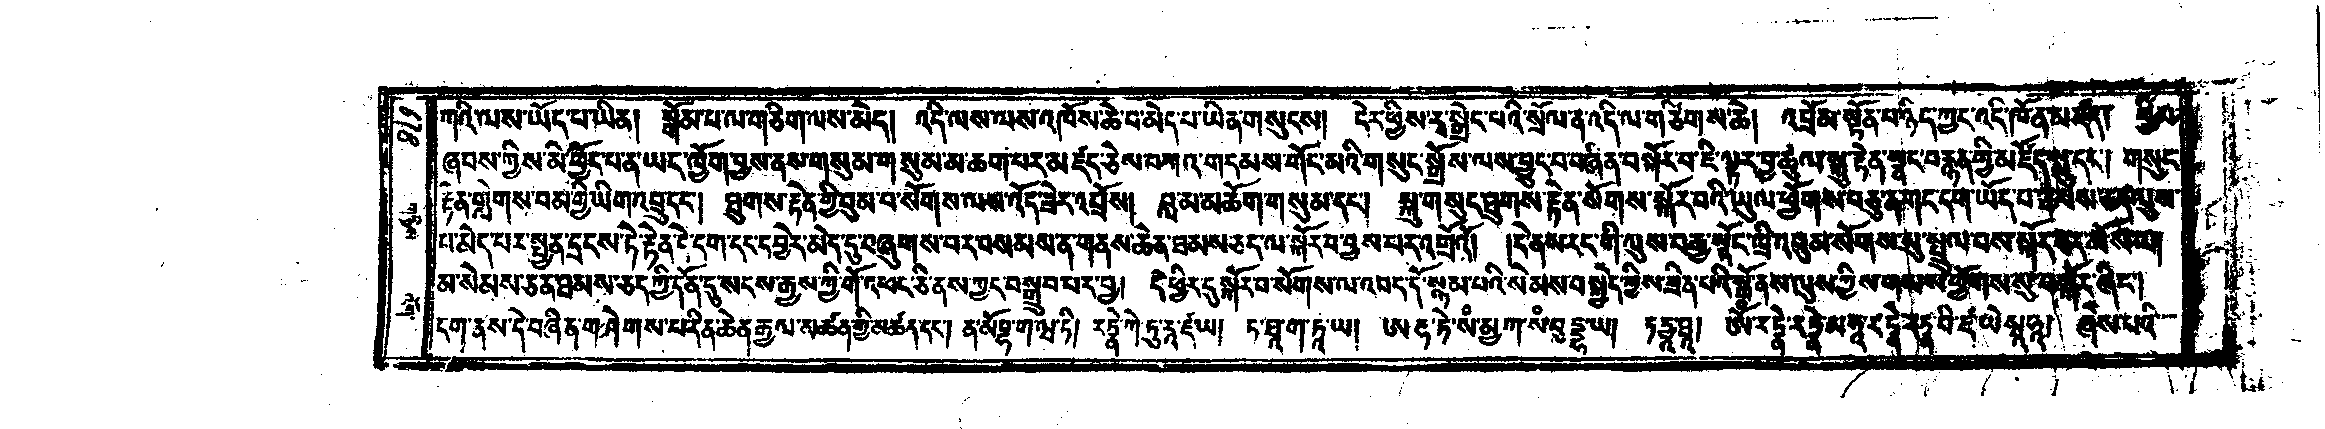ཀའི་ལས་ཡོད་པ་ཡིན། སྒོམ་པ་ལ་གཅིག་ལས་མེད། འདི་ལས་ལས་འཁོས་ཆེ་བ་མེད་པ་ཡིན་གསུངས། དེར་ཕྱིས་རྭ་སྒྲེང་པའི་སྲོལ་ན་འདི་ལ་གཙིགས་ཆེ། འབྲོམ་སྟོན་པ་ཉིད་ཀྱང་འདི་ཁོ་ན་མཛད། ཕྱིས་
ཞབས་ཀྱིས་མི་ཕྱོང?་པ་ན་ཡང་ཁྱོག་བྱས་ནས་གསུམ་གསུམ་མ་ཆག་པར་མཛད་ཅེས་བཀའ་གདམས་གོང་མའི་གསུང་སྒྲོས་ལས་བྱུང་བ་བཞིན་བསྐོར་བ་ཇི་ལྟར་བྱ་ཚུལ་སྐུ་རྟེན་སྣང་བརྙན་གྱི་མཛོད་སྤུ་དང་། གསུང་
རྟེན་གླེགས་བམ་གྱི་ཡིག་འབྲུ་དང་། ཐུགས་རྟེན་གྱི་བུམ་པ་སོགས་ལས་འོད་ཟེར་འཕྲོས། བླ་མ་མཆོག་གསུམ་དང་། སྐུ་གསུང་ཐུགས་རྟེན་སོགས་སྐོར་བའི་ཡུལ་ཕྱོགས་བཅུ་ན་གང་དག་ཡོད་པ་ཐམས་ཅད་ལུས་
པ་མེད་པར་སྤྱན་དྲངས་ཏེ་རྟེན་དེ་དག་དང་དབྱེར་མེད་དུ་བཞུགས་པར་བསམས་ན་གནས་ཆེན་ཐམས་ཅད་ལ་སྐོར་བ་བྱས་པར་འགྲོའོ། །དེ་ནས་རང་གི་ལུས་བརྒྱ་སྟོང་ཁྲི་འབུམ་སོགས་སུ་སྤྲུལ་བས་སྐོར་བར་མོས་ལ།
མ་སེམས་ཅན་ཐམས་ཅད་ཀྱི་དོན་དུ་སངས་རྒྱས་ཀྱི་གོ་འཕང་ཅི་ནས་ཀྱང་བསྒྲུབ་པར་བྱ། དེ་ཕྱིར་དུ་སྐོར་བ་སོགས་ལ་འབད་དོ་སྙམ་པའི་སེམས་བསྐྱེད་ཀྱིས་ཟིན་པའི་སྒོ་ནས་ལུས་ཀྱིས་གཡས་ཕྱོགས་སུ་བསྐོར་ཞིང་།
ངག་ནས་དེ་བཞིན་གཤེགས་པ་རིན་ཆེན་རྒྱལ་མཚན་གྱི་མཚན་དང་། ན་མོ་བྷ་ག་ཝ་ཏི། རཏྣེ་ཀེ་ཏུ་རཱ་ཛ་ཡ། ཏ་ཐཱ་ག་ཏཱ་ཡ། ཨརྷ་ཏེ་སཾ་མྱཀ་སཾ་བུདྡྷ་ཡ། ཏདྱཱ་ཐཱ། ཨོཾ་རཏྣེ་རཏྣེ་མཧཱ་རཏྣེ་རཏྣ་བི་ཛ་ཡེ་སྭཱཧཱ། ཞེས་པའི་